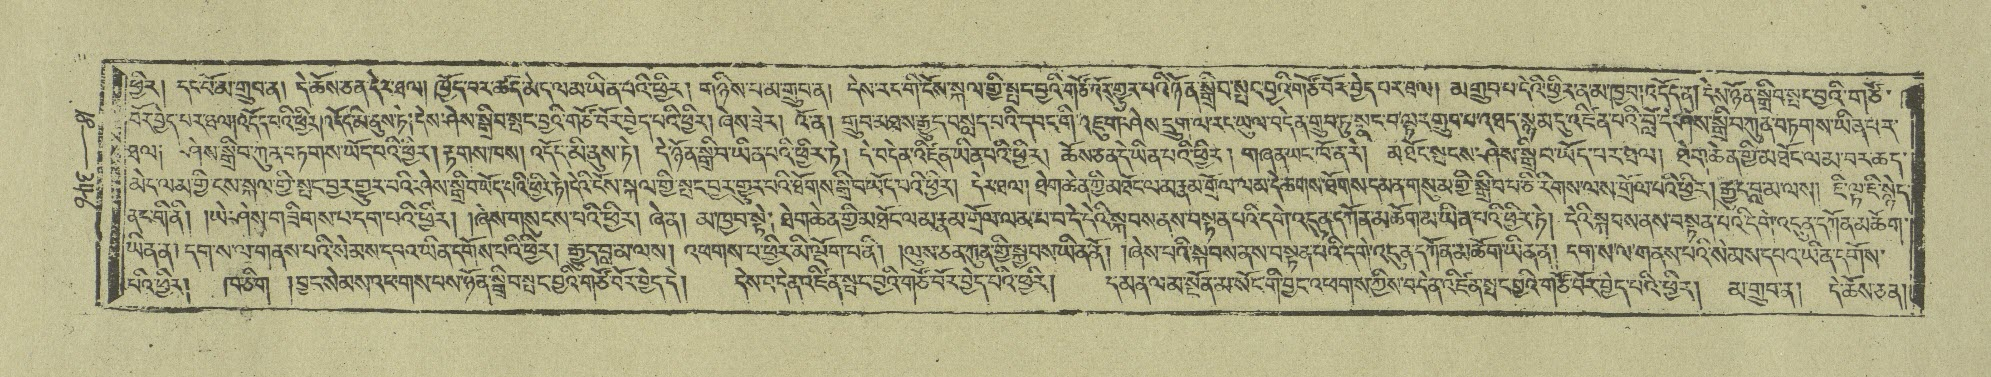ཕྱིར། དང་པོ་མ་གྲུབ་ན། དེ་ཆོས་ཅན་དེར་ཐལ། ཁྱོད་བར་ཆད་མེད་ལམ་ཡིན་པའི་ཕྱིར། གཉིས་པ་མ་གྲུབ་ན། དེས་རང་གི་ངོས་སྐལ་གྱི་སྤང་བྱའི་གཙོ་བོར་གྱུར་པའི་ཉོན་སྒྲིབ་སྤང་བྱའི་གཙོ་བོར་བྱེད་པར་ཐལ། མ་གྲུབ་པ་དེའི་ཕྱིར་ན་མ་ཁྱབ། འདོད་ན། དེས་ཉོན་སྒྲིབ་སྤང་བྱའི་གཙོ་
བོར་བྱེད་པར་ཐལ། འདོད་པའི་ཕྱིར། འདོད་མི་ནུས་ཏེ། དེས་ཤེས་སྒྲིབ་སྤང་བྱའི་གཙོ་བོར་བྱེད་པའི་ཕྱིར། ཞེས་ཟེར། འོ་ན། གྲུབ་མཐས་རྒྱུད་བསླད་པའི་དབང་གི་འཇུག་ཤེས་དྲུག་ལ་རང་ཡུལ་བདེན་གྲུབ་ཏུ་སྣང་བ་ལྟར་གྲུབ་པ་འཐད་སྙམ་དུ་འཛིན་པའི་བློ་དེ་ཤེས་སྒྲིབ་ཀུན་བཏགས་ཡིན་པར་
ཐལ། ཤེས་སྒྲིབ་ཀུན་བཏགས་ཡོད་པའི་ཕྱིར། རྟགས་ཁས། འདོད་མི་ནུས་ཏེ། དེ་ཉོན་སྒྲིབ་ཡིན་པའི་ཕྱིར་ཏེ། དེ་བདེན་འཛིན་ཡིན་པའི་ཕྱིར། ཆོས་ཅན་དེ་ཡིན་པའི་ཕྱིར། གཞན་ཡང་ཁོ་ན་རེ། མཐོང་སྤངས་ཤེས་སྒྲིབ་ཡོད་པར་ཐལ། ཐེག་ཆེན་གྱི་མཐོང་ལམ་བར་ཆད་
མེད་ལམ་གྱི་ངས་སྐལ་གྱི་སྤང་བྱར་གྱུར་པའི་ཤེས་སྒྲིབ་ཡོད་པའི་ཕྱིར་ཏེ། དེའི་ངོས་སྒལ་གྱི་སྤང་བྱར་གྱུར་པའི་ཐོགས་སྒྲིབ་ཡོད་པའི་ཕྱིར། དེར་ཐལ། ཐེག་ཆེན་གྱི་མཐོང་ལམ་རྣམ་གྲོལ་ལམ་དེ་ཆགས་ཐོགས་དམན་གསུམ་གྱི་སྒྲིབ་པ་ཅི་རིགས་ལས་གྲོལ་བའི་ཕྱིར། རྒྱུད་བླ་མ་ལས། ཇི་ལྟ་ཇི་སྙེད་
ནང་གི་ནི། །ཡེ་ཤེས་གཟིགས་པ་དག་པའི་ཕྱིར། །ཞེས་གསུངས་པའི་ཕྱིར། ཞེ་ན། མ་ཁྱབ་སྟེ། ཐེག་ཆེན་གྱི་མཐོང་ལམ་རྣམ་གྲོལ་ལམ་པ་བ་དེ་དེའི་སྐབས་ནས་བསྟན་པའི་དགེ་འདུན་དཀོན་མཆོག་མ་ཡིན་པའི་ཕྱིར་ཏེ། དེའི་སྐབས་ནས་བསྟན་པའི་དགེ་འདུན་དཀོན་མཆོག་
ཡིན་ན། དག་ས་ལ་གནས་པའི་སེམས་དཔའ་ཡིན་དགོས་པའི་ཕྱིར། རྒྱུད་བླ་མ་ལས། འཕགས་པ་ཕྱིར་མི་ལྡོག་པ་ནི། །ལུས་ཅན་ཀུན་གྱི་སྐྱབས་ཡིན་ནོ། །ཞེས་པའི་སྐབས་ནས་བསྟན་པའི་དགེ་འདུན་དཀོན་མཆོག་ཡིན་ན། དག་ས་ལ་གནས་པའི་སེམས་དཔའ་ཡིན་དགོས་
པའི་ཕྱིར། ཁ་ཅིག །བྱང་སེམས་འཕགས་པས་ཉོན་སྒྲིབ་སྤང་བྱའི་གཙོ་བོར་བྱེད་དེ། དེས་བདེན་འཛིན་སྤང་བྱའི་གཙོ་བོར་བྱེད་པའི་ཕྱིར། དམན་ལམ་སྔོན་མ་སོང་གི་བྱང་འཕགས་ཀྱིས་བདེན་འཛིན་སྤང་བྱའི་གཙོ་བོར་བྱེད་པའི་ཕྱིར། མ་གྲུབ་ན། དེ་ཆོས་ཅན།